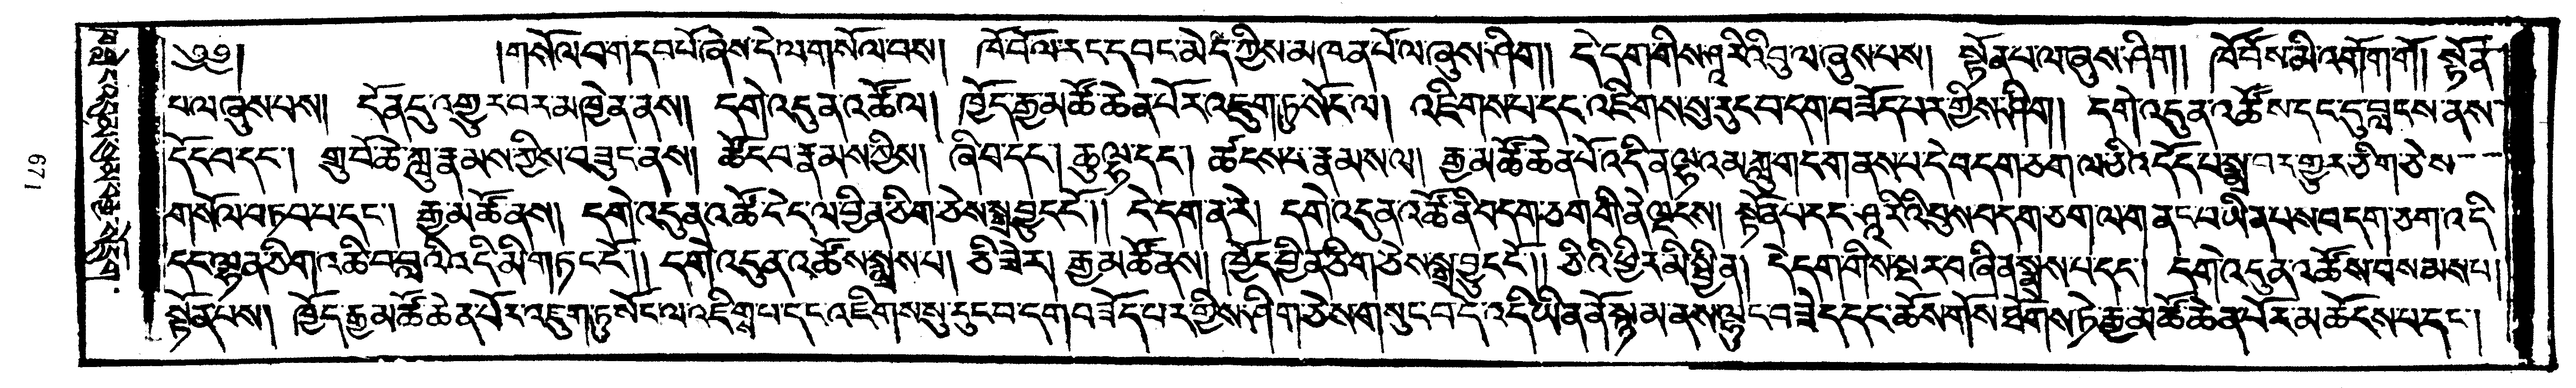༄༅། །གསོལ་བ་གདབ་པོ་ཞེས་དེ་ལ་གསོལ་བས། ཁོ་བོ་ལ་རང་དབང་མེད་ཀྱིས་མཁན་པོ་ལ་ཞུས་ཤིག། དེ་དག་གིས་ཤཱ་རིའི་བུ་ལ་ཞུས་པས། སྟོན་པ་ལ་ཞུས་ཤིག། ཁོ་བོས་མི་འགོག་གོ། སྟོན་
པ་ལ་ཞུས་པས། དོན་དུ་འགྱུར་བར་མཁྱེན་ནས། དགེ་འདུན་འཚོལ། ཁྱོད་རྒྱ་མཚོ་ཆེན་པོར་འཇུག་ཏུ་སོང་ལ། འཇིགས་པ་དང་འཇིགས་སུ་རུང་བ་དག་བཟོད་པར་གྱིས་ཤིག། དགེ་འདུན་འཚོས་དང་དུ་བླངས་ནས་
དོང་བ་དང་། གྲུ་བོ་ཆེ་ཀླུ་རྣམས་ཀྱིས་བཟུང་ནས། ཚོང་བ་རྣམས་ཀྱིས། ཞི་བ་དང་། ཆུ་ལྷ་དང་། ཚངས་པ་རྣམས་ལ། རྒྱ་མཚོ་ཆེན་པོ་འདི་ན་ལྷའམ་ཀླུ་གང་གནས་པ་དེ་བདག་ཅག་ལ་ཅི་འདོད་པ་སྨྲ་བར་གྱུར་ཅིག་ཅེས་
གསོལ་བཏབ་པ་དང་། རྒྱ་མཚོ་ནས། དགེ་འདུན་འཚོ་ངེད་ལ་བྱིན་ཅིག་ཅེས་སྒྲ་བྱུང་ངོ།། དེ་དག་ན་རེ། དགེ་འདུན་འཚོ་ནི་བདག་ཅག་གི་ནེ་ལྡངས། སྟོན་པ་དང་ཤཱ་རིའི་བུས་བདག་ཅག་ལ་གནང་བ་ཡིན་པས་བདག་ཅག་འདི་
དང་ལྷན་ཅིག་འཆི་བ་བླའི་འདི་མི་གཏང་ངོ།། དགེ་འདུན་འཚོས་སྨྲས་པ། ཅི་ཟེར། རྒྱ་མཚོ་ནས། ཁྱོད་བྱིན་ཅིག་ཅེས་སྒྲ་བྱུང་ངོ།། ཅིའི་ཕྱིར་མི་སྦྱིན། དེ་དག་གིས་སྔར་བཞིན་སྨྲས་པ་དང་། དགེ་འདུན་འཚོས་བསམས་པ།
སྟོན་པས། ཁྱོད་རྒྱ་མཚོ་ཆེན་པོར་འཇུག་ཏུ་སོང་ལ་འཇིགས་པ་དང་འཇིགས་སུ་རུང་བ་དག་བཟོད་པར་གྱིས་ཤིག་ཅེས་གསུང་བ་དེ་འདི་ཡིན་ནོ་སྙམ་ནས་ལྷུང་བཟེད་དང་ཆོས་གོས་ཐོགས་ཏེ་རྒྱ་མཚོ་ཆེན་པོར་མཆོངས་པ་དང་།